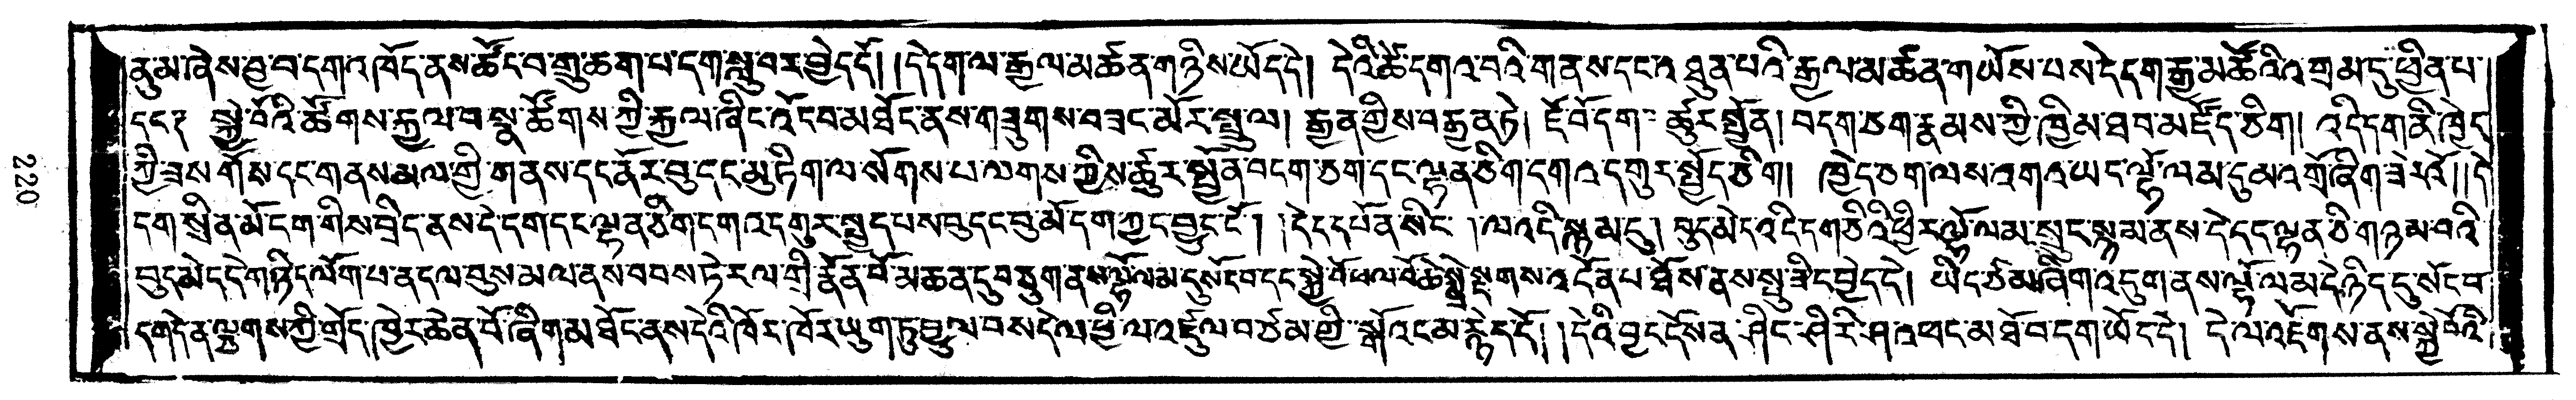ནུ་མ་ཞེས་བྱ་བ་དག་འཁོད་ནས་ཚོང་བ་གྲུ་ཆག་པ་དག་སླུ་བར་བྱེད་དོ། །དེ་དག་ལ་རྒྱལ་མཚན་གཉིས་ཡོད་དེ། དེའི་ཚེ་དགའ་བའི་གནས་དང་འཐུན་པའི་རྒྱལ་མཚན་གཡོས་པས་དེ་དག་རྒྱ་མཚོའི་འགྲམ་དུ་ཕྱིན་པ་
དང༑ སྐྱེ་བོའི་ཚོགས་རྐྱལ་བ་སྣ་ཚོགས་ཀྱི་རྐྱལ་ཞིང་འོང་བ་མཐོང་ནས་གཟུགས་བཟང་མོར་སྤྲུ་ལ། རྒྱན་གྱིས་བརྒྱན་ཏེ། ཇོ་བོ་དག་ཚུར་སྤྱོན། བདག་ཅག་རྣམས་ཀྱི་ཁྱིམ་ཐབ་མཛོད་ཅིག། འདི་དག་ནི་ཁྱེད་
ཀྱི་ཟས་གོས་དང་གནས་མལ་གྱི་གནས་དང་ནོར་བུ་དང་མུ་ཏིག་ལ་སོགས་པ་ལགས་ཀྱིས་ཚུར་སྤྱོན་བདག་ཅག་དང་ལྷན་ཅིག་དགའ་དགུར་སྤྱོད་ཅིག །ཁྱེད་ཅག་ལས་འགའ་ཡང་ལྷོ་ལམ་དུ་མ་འགྲོ་ཞིག་ཟེརO། །དེ་
དག་སྲིན་མོ་དག་གིས་བྲིད་ནས་དེ་དག་དང་ལྷན་ཅིག་དགའ་དགུར་སྤྱད་པས་བུ་དང་བུ་མོ་དག་ཀྱང་བྱུང་ངོ། །དེད་དཔོན་སིང་། ལ་འདི་སྙམ་དུ། བུད་མེད་འདི་དག་ཅིའི་ཕྱིར་ལྷོ་ལམ་སྲུང་སྙམ་ནས་དེ་དད་ལྷན་ཅི་གཉམ་བའི་
བུད་མེད་དེ་གཉིད་ལོག་པ་ནད་ལ་བུས་མལ་ནས་བབས་ཏེ་རལ་གྲི་རྣོན་བོ་མཆན་དུ་བཅུག་ནས་ལྷོ་ལམ་དུ་སོང་བ་དང་སྐྱེ་བོ་ཕལ་བོ་ཆེ་སྨྲེ་སྔགས་འདོན་པ་ཐོས་ནས་སྤུ་ཟིང་བྱེད་དེ། ཡིད་ཙམ་ཞིག་འདུག་ནས་ལྷོ་ལམ་དེ་ཉིད་དུ་སོང་བ་
དག་དེ་ན་ལྕགས་ཀྱི་གྲོང་ཁྱེར་ཆེན་བོ་ཞིག་མཐོང་ནས་དེའི་ཁོར་ཁོར་ཡུག་ཏུ་བྱུལ་བས་དེ་ལ་ཕྱི་ལ་འཛུལ་བ་ཙམ་གྱི་སྒོའང་མ་རྙེད་དོ། །དེའི་བྱང་དོས་ན་ཤིང་ཤི་རི་ཤ་འཕང་མཐོ་བ་དག་ཡོང་དེ། དེ་ལ་འཇོགས་ནས་སྐྱེ་བོའི་